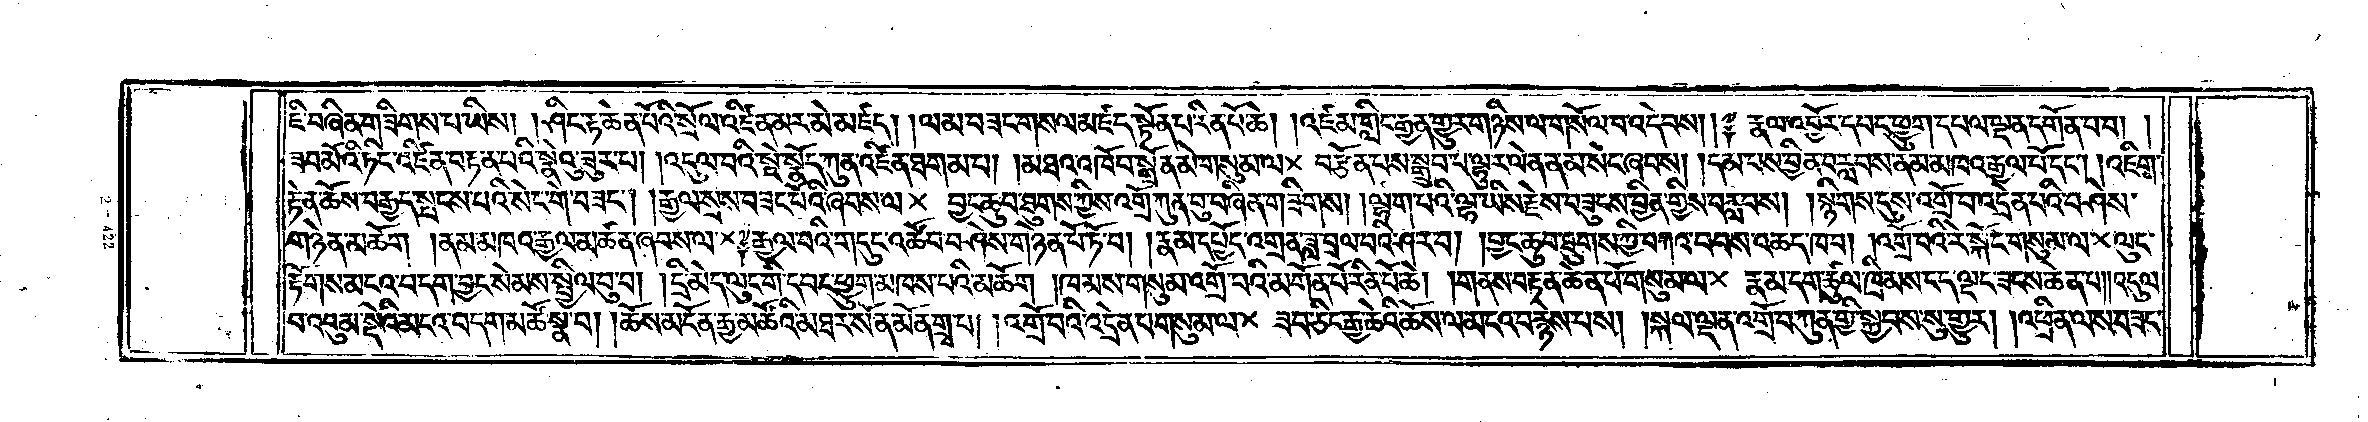ཇི་བཞིན་གཟིགས་པ་ཡིས། །ཤིང་རྟ་ཆེན་པོའི་སྲོལ་འཛིན་མར་མེ་མཛད། །ལམ་བཟང་གསལ་མཛད་སྟོན་པ་རིན་པོ་ཆེ། །འཛམ་གླིང་རྒྱན་གྱུར་གཉིས་ལ་གསོལ་བ་འདེབས། ། ༈ རྣལ་འབྱོར་དབང་ཕྱུག་དཔལ་ལྡན་དགོན་པབ། །
ཟབ་མོའི་ཏིང་འཛིན་བརྟན་པའི་སྣེའུ་ཟུར་པ། །འདུལ་བའི་སྡེ་སྣོད་ཀུན་འཛིན་ཐག་མ་པ། །མཐའ་འཁོབ་སྒྲོན་མེ་གསུམ་ལ་྾་བརྩོན་པས་སྒྲུབ་པ་ལྷུར་ལེན་ནམ་སེང་ཞབས། །དམ་པས་བྱིན་བརླབས་ནམ་མཁའ་རྒྱལ་པོ་དང་། །འཇིག་
རྟེན་ཆོས་བརྒྱད་སྤངས་པའི་སེང་གེ་བཟང་། །རྒྱལ་སྲས་བཟང་པོའི་ཞབས་ལ་྾་བྱང་ཆུབ་ཐུགས་ཀྱིས་འགྲོ་ཀུན་བུ་བཞིན་གཟིགས། །ལྷག་པའི་ལྷ་ཡིས་རྗེས་བཟུངས་བྱིན་གྱིས་བརླབས། །སྙིགས་དུས་འགྲོ་བ་འདྲེན་པའི་བཤེས་
གཉེན་མཆོག །ནམ་མཁའ་རྒྱལ་མཚན་ཞབས་ལ་྾་༈ རྒྱལ་བའི་གདུང་འཚོབ་བཤེས་གཉེན་པོ་ཏོ་བ། །རྣམ་དཔྱོད་འགྲན་ཟླ་བྲལ་བའི་ཤར་བ། །བྱང་ཆུབ་ཐུགས་ཀྱི་བཀའ་བབས་འཆད་ཁབ། །འགྲོ་བའི་རེ་སྐོང་གསུམ་ལ་྾་ལུང་
རྟོགས་མངའ་བདག་བྱང་སེམས་སྤྱིལ་བུ་བ། །དྲི་མེད་ལུས་གི་དབང་ཕྱུག་མཁས་པའི་མཆོག །མཁམས་གསུམ་འགྲོ་བའི་མགོན་པོ་རིན་པོ་ཆེ། །གནས་བརྟན་ཆེན་པོ་གསུམ་ལ་྾་རྣམ་དག་ཚུལ་ཁྲིམས་ངད་ལྡང་ཟངས་ཆེན་པ། །འདུལ་
བ་འབུམ་སྡེའི་མངའ་བདག་མཚོ་སྣ་བ། །ཆོས་མངོན་རྒྱ་མཚོའི་མཐར་སོན་མོན་གྲྭ་པ། །འགྲོ་བའི་འདྲེན་པ་གསུམ་ལ་྾་ཟབ་ཅིང་རྒྱ་ཆེའི་ཆོས་ལ་མངའ་བརྙེས་པས། །སྐལ་ལྡན་འགྲོ་བ་ཀུན་གྱི་སྐྱབས་སུ་གྱུར། །འཕྲིན་ལས་བཟང་